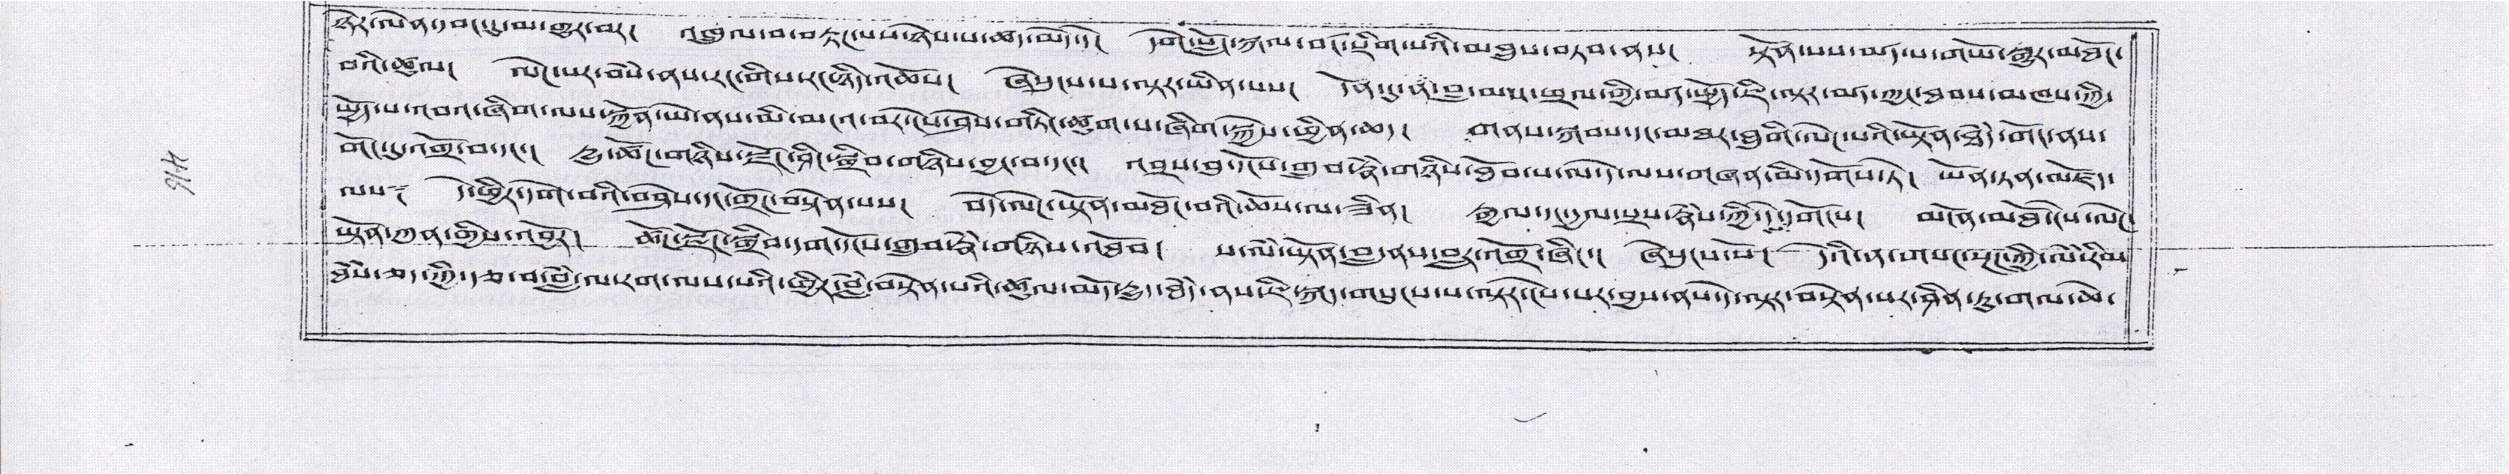ཉེར་ལེན་དབང་དུ་མ་གྱུར་བར། འཁྲུལ་པ་བརྟགས་པས་ཉེས་པ་ཚད་མེད་དེ། དགེ་སློང་སྐལ་བཟང་སྡིག་པའི་མཐུས་བཏབ་ནས། སྟོན་པའི་མཛད་པ་གཡོ་སྒྱུར་མཐོང་
བའི་ཚུལ། ལེགས་པར་བསམ་ནས་རང་གིས་རང་ཉིད་འཆོས། ཞེས་གསུངས་པ་ལྟར་ཡིན་པས། དོན་དུ་ན་བླ་མ་ལའང་འཕྲལ་གྱི་མཛད་སྤྱོད་ཇི་ལྟར་མཛད་ཀྱང་ཐབས་མཁས་ཀྱི་
སྤྱོད་པ་འབའ་ཞིག་ལས་སྐྱོན་ཡེ་ནས་མི་མངའ་བར་ངེས་ཤེས་གཏིང་ཚུགས་པ་ཞིག་སྐྱེས་ཕྱིན་ཆད། གནས་སྐབས་དང་མཐར་ཐུག་གི་ལེགས་པའི་ཡོན་ཏན་ཐམས་ཅད་གོང་ནས་
གོང་དུ་འགྲོ་བ་དང་། རྒྱུ་ཚོགས་གཉིས་རྫོགས་ཤིང་སྒྲིབ་གཉིས་བྱང་བ་དང་། འབྲས་བུ་དངོས་གྲུབ་རྣམ་གཉིས་ཐོབ་པ་ལ་དེ་ལས་གཞན་མི་དགོས་ཏེ། ཡོན་ཏན་མཛོད་
ལས། དེ་ཕྱིར་དགེ་བའི་བཤེས་དང་གྲོགས་བསྟེན་པས། བདེ་ལེགས་ཡོན་ཏན་མཐོང་བའི་ཆོས་ལ་ཟིན། རྒྱལ་དང་རྒྱལ་སྲས་རྣམས་ཀྱིས་དེ་ལ་དགོངས། མངོན་མཐོ་ངེས་ལེགས་
ཡོན་ཏན་ཀུན་གྱིས་འབྱོར། ཚོགས་རྫོགས་སྒྲིབ་དག་དངོས་གྲུབ་རྣམ་གཉིས་འཐོབ། ས་ལམ་ཡོན་ཏན་བླ་ནས་བླར་འགྲོ་ཞིང་། ཞེས་གསུངས་སོ། དེས་ན་གསང་སྔགས་ཀྱི་ལམ་རིམ་
ཐམས་ཅད་ཀྱི་རྩ་བ་བླ་མ་རག་ལས་པའི་ཕྱིར་བླ་མ་བསྟེན་པའི་ཚུལ་མདོ་རྒྱུད་ཐམས་ཅད་ནས་ཇི་སྐད་གསུངས་པ་ལྟར་ངེས་པར་བྱས་ནས་དེ་ལྟར་བསྟེན་པར་ཤིན་ཏུ་གལ་ཆེ་